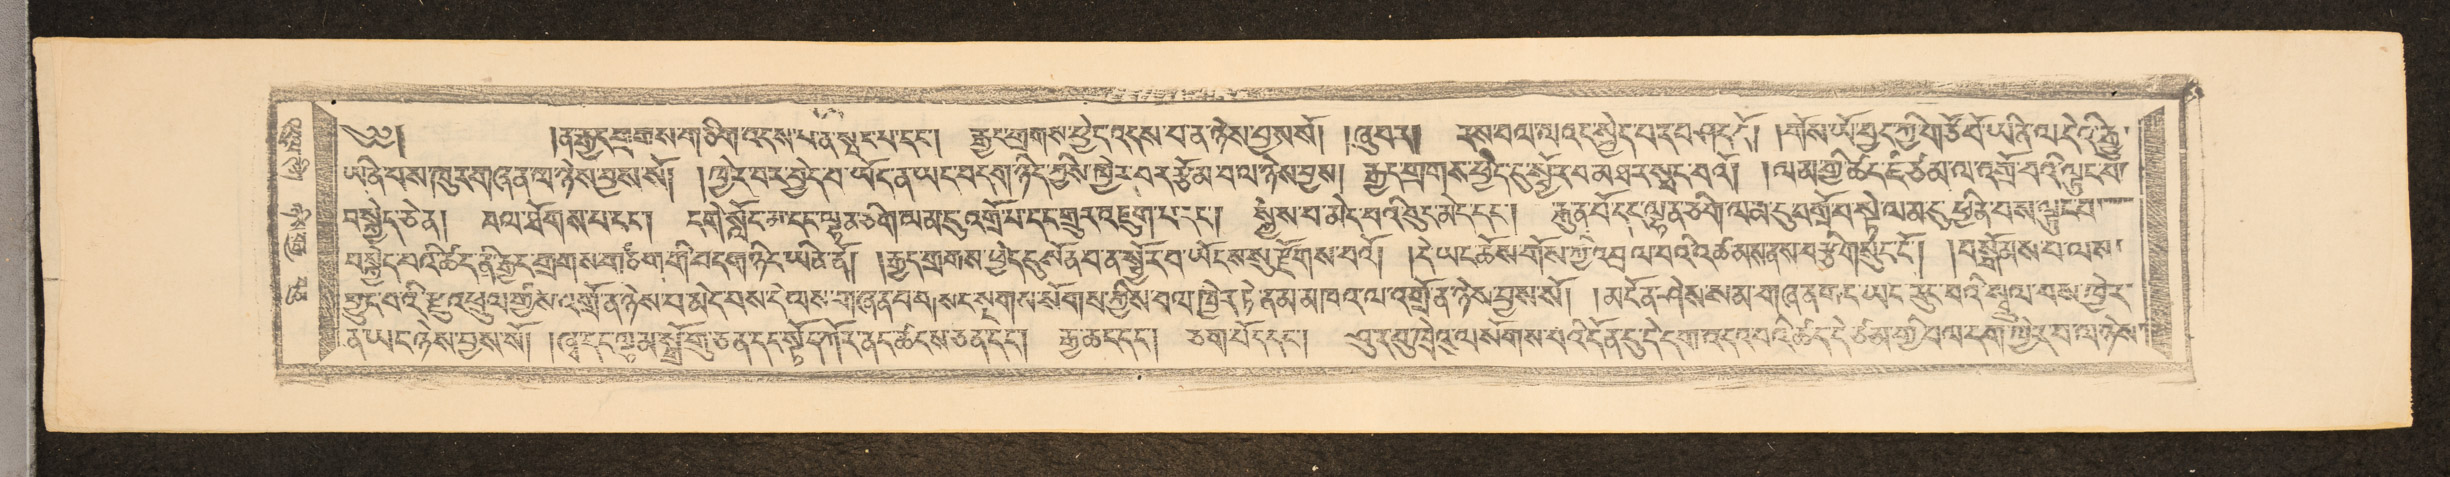༄༅། །ན་རྒྱང་གྲགས་གཅིག་འདས་པ་ན་སྤང་བ་དང་། རྒྱང་གྲགས་ཕྱེད་འདས་པ་ན་ཉེས་བྱས་སོ། །ཞུ་བར། རས་བལ་ལའང་སྐྱེད་པར་བཤད་དོ། །གོས་ཡོ་བྱད་ཀྱི་གཙོ་བོ་ཡིན་ལ་དེའི་རྒྱུ་
ཡིན་པས་ཁུར་གཞན་ལ་ཉེས་བྱས་སོ། །ཁྱེར་བར་བྱེད་པ་ཡོད་ན་ཡང་བདག་ཉིད་ཀྱིས་ཁྱེར་བར་རྩོམ་པ་ལ་ཉེས་བྱས། རྒྱང་གྲགས་ཕྱེད་དུ་སྦྱོར་བ་མཐར་སྤང་བའོ། །ལམ་གྱི་ཚད་ཇི་ཙམ་ལ་འགྲོ་བའི་ལྟུང་བ་
བསྐྱེད་ཅེ་ན། བལ་ཐོགས་པ་དང་། དགེ་སློང་མ་དང་ལྷན་ཅིག་ལམ་དུ་འགྲོ་བ་དང་གྲུར་འཇུག་པ་དང་། སྐྱེས་པ་མེད་པའི་བུད་མེད་དང་། རྐུན་པོ་དང་ལྷན་ཅིག་ལམ་དུ་འགྲོ་བ་སྟེ་ལམ་དུ་ཕྱིན་པས་ལྟུང་བ་
བསྐྱེད་པའི་ཚད་ནི་རྒྱང་གྲགས་གཅིག་གི་བདག་ཉིད་ཡིན་ནོ། །རྒྱང་གྲགས་ཕྱེད་དུ་སོན་པ་ན་སྦྱོར་བ་ཡོངས་སུ་རྫོགས་པའོ། །དེ་ཡང་ཆོས་གོས་ཀྱི་འབྲལ་བའི་འཚམས་ནས་བརྩི་གསུང་དོ། །བསྒོམས་པ་ལས་
བྱུང་བའི་རྫུ་འཕྲུལ་གྱིས་འགྲོ་ན་ཉེས་པ་མེད་པས་དེ་ལས་གཞན་པ་གསང་སྔགས་སོགས་ཀྱིས་བལ་ཁྱེར་ཏེ་ནམ་མཁའ་ལ་འགྲོ་ན་ཉེས་བྱས་སོ། །མངོན་ཤེས་སམ་གཞན་གང་ཡང་རུང་བའི་སྤྲུལ་པས་ཁྱེར་
ན་ཡང་ཉེས་བྱས་སོ། །ཞྭ་དང་ལྷམ་སྒྲོ་གུ་ཅན་དང་སྟོད་ཀོར་ནང་ཚངས་ཅན་དང་། རྒྱ་ཆང་དང་། ཅག་ཕོད་དང་། ཤུར་བུ་ཁྲེའུ་ལ་སོགས་པའི་དོན་དུ་དེ་དག་འདང་བའི་ཚད་དེ་ཙམ་གྱི་བལ་དག་ཁྱེར་བལ་ཉེས་